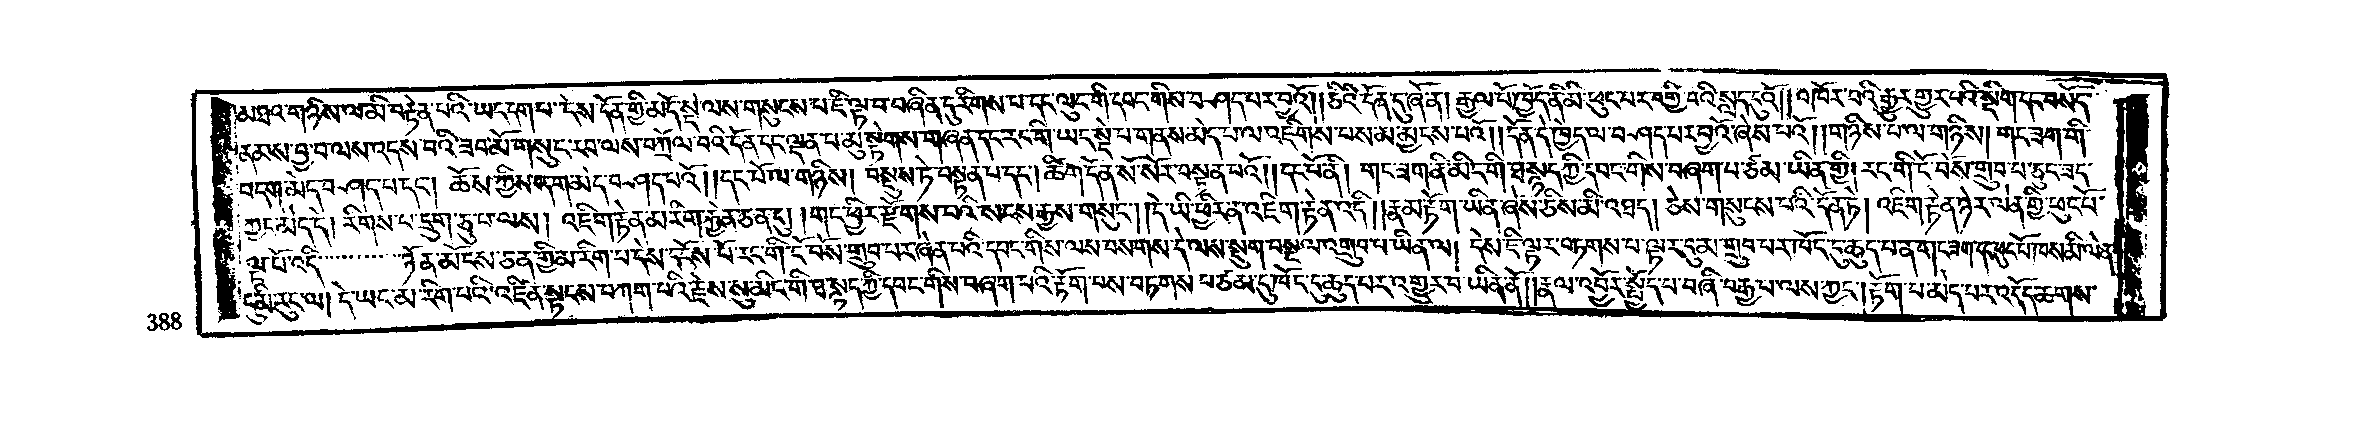མཐའ་གཉིས་ལ་མི་བརྟེན་པའི་ཡང་དག་པ་དེས་དོན་གྱི་མདོ་སྡེ་ལས་གསུངས་པ་ཇི་ལྟ་བ་བཞིན་དུ་རིགས་པ་དང་ལུང་གི་དབང་གིས་བཤད་པར་བྱའོ། །ཅིའི་དོན་དུ་ཞོ་ན། རྒྱལ་པོ་ཁྱོད་ནི་མི་ཕུང་པར་བགྱི་བའི་སླད་དུའོ། །འཁོར་བའི་རྒྱུར་གྱུར་པའི་སྡིག་དང་བསོད་
ནམས་བྱ་བ་ལས་འདས་པའི་ཟབ་མོ་གསུང་རབ་ལས་བཀྲོལ་བའི་དོན་དང་ལྡན་པ་མུ་སྟེགས་གཞན་དང་རང་གི་ཡང་སྡེ་པ་གནས་མེད་ལ་འཇིགས་པས་མ་མྱངས་པའོ། །དོན་དེ་ཁྱེད་ལ་བཤད་པར་བྱའོ་ཞེས་པའོ། །གཉིས་པ་ལ་གཉིས། གང་ཟག་གི་
བདག་མེད་བཤད་པ་དང་། ཆོས་ཀྱིས་བདག་མེད་བཤད་པའོ། །དང་པོ་ལ་གཉིས། བསྡུས་ཏེ་བསྟན་པ་དང་། ཚིག་དོན་སོ་སོར་བསྟན་པའོ། །དང་པོ་ནི། གང་ཟག་ནི་མིང་གི་ཐ་སྙད་ཀྱི་དབང་གིས་བཞག་པ་ཙམ་ཡིན་གྱི། རང་གི་ངོ་བོས་གྲུབ་པ་ཅུང་ཟད་
ཀྱང་མེད་དེ། རིགས་པ་དྲུག་ཅུ་པ་ལས། འཇིག་རྟེན་མ་རིག་རྐྱེན་ཅན་དུ། །གང་ཕྱིར་རྫོགས་པའི་སངས་རྒྱས་གསུང་། །དེ་ཡི་ཕྱིར་ན་འཇིག་རྟེན་འདི། །རྣམ་རྟོག་ཡིན་ཞེས་ཅིས་མི་འཐད། ཅེས་གསུངས་པའི་དོན་ཏེ། འཇིག་རྟེན་ཉེར་ལེན་གྱི་ཕུང་པོ་
ལྟ་པོ་འདི་ཉོན་མོངས་ཅན་གྱི་མ་རིག་པ་དེས་དངོས་པོ་རང་གི་ངོ་བོས་གྲུབ་པར་ཞེན་པའི་དབང་གིས་ལས་བསགས་དེ་ལས་སྡུག་བསྔལ་འགྲུབ་པ་ཡིན་ལ། དེས་ཇི་ལྟར་བཏགས་པ་ལྟར་དུ་མ་གྲུབ་པར་ཁོང་དུ་ཆུད་པ་ན་གང་ཟག་དང་ཕུང་པོ་ཁས་མི་ལེན་
དུ་མི་རུང་ལ། དེ་ཡང་མ་རིག་པའི་འཛིན་སྟངས་བཀག་པའི་རྗེས་སུ་མིང་གི་ཐ་སྙད་ཀྱི་དབང་གིས་བཞག་པའི་རྟོག་པས་བཏགས་པ་ཙམ་དུ་ཁོང་དུ་ཆུད་པར་འགྱུར་བ་ཡིན་ནོ། །རྣལ་འབྱོར་སྤྱོད་པ་བཞི་བརྒྱ་པ་ལས་ཀྱང་། རྟོག་པ་མེད་པར་འདོད་ཆགས་